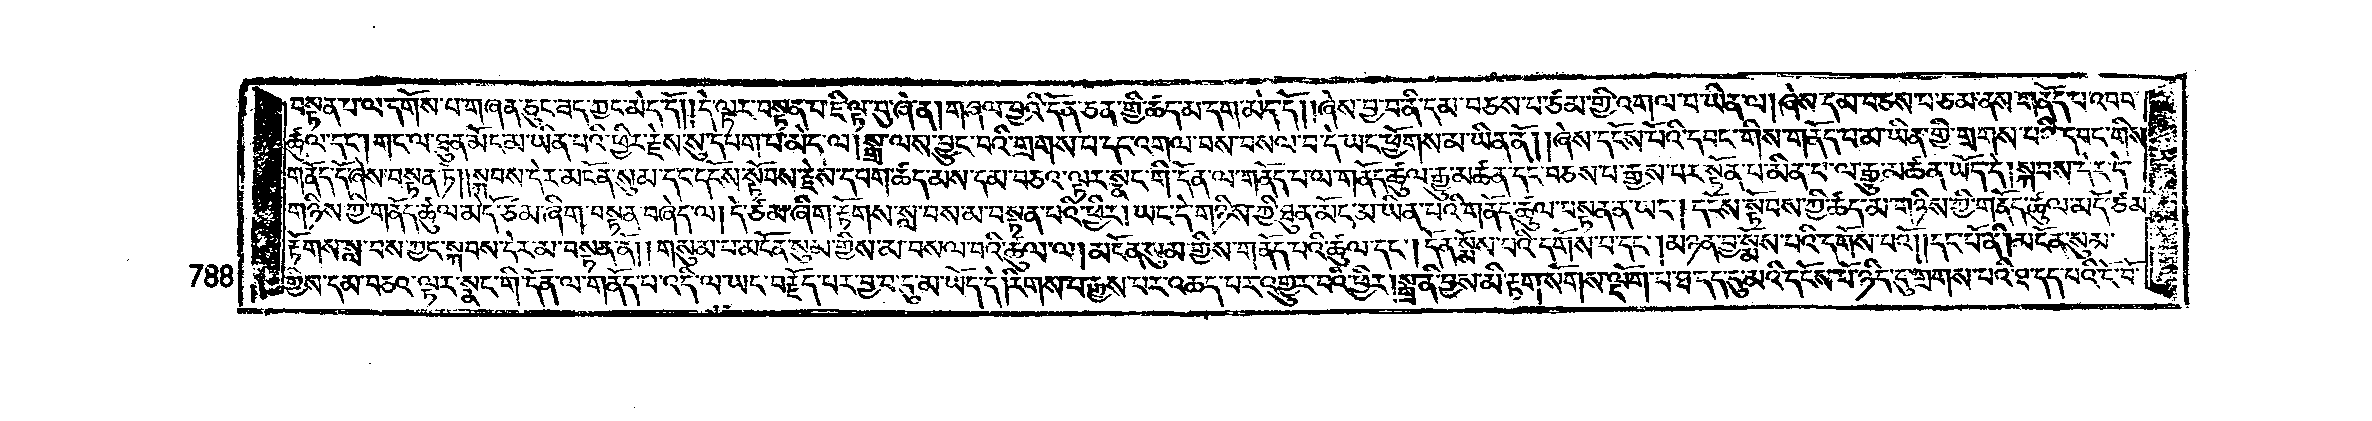བསྟན་པ་ལ་དགོས་པ་གཞན་ཅུང་ཟད་ཀྱང་མེད་དོ། །དེ་ལྟར་བསྟན་པ་ཇི་ལྟ་བུ་ཞེ་ན། གཞལ་བྱའི་དོན་ཅན་གྱི་ཚད་མ་དག་མེད་དོ། །ཞེས་བྱ་བ་ནི་དམ་བཅས་པ་ཙམ་གྱི་འགལ་བ་ཡིན་ལ། ཞེས་དམ་བཅས་པ་ཙམ་ནས་གནོད་པ་འབད་
ཚུལ་དང་། གང་ལ་ཐུན་མོང་མ་ཡིན་པའི་ཕྱིར་རྗེས་སུ་དཔག་པ་མེད་ལ། སྒྲ་ལས་བྱུང་བའི་གྲགས་པ་དང་འགལ་བས་བསལ་བ་དེ་ཡང་ཕྱོགས་མ་ཡིན་ནོ། །ཞེས་དངོས་པོའི་དབང་གིས་གནོད་པ་མ་ཡིན་གྱི་གྲགས་པའི་དབང་གིས་
གནོད་དོ་ཞེས་བསྟན་ཏོ། །སྐབས་དེར་མངོན་སུམ་དང་དངོས་སྟོབས་རྗེས་དཔག་ཚད་མས་དམ་བཅའ་ལྟར་སྣང་གི་དོན་ལ་གནོད་པ་ལ་གནོད་ཚུལ་རྒྱུ་མཚན་དང་བཅས་པ་རྒྱས་པར་སྟོན་པ་མིན་པ་ལ་རྒྱུ་མཚན་ཡོད་དེ། སྐབས་དེར་དེ་
གཉིས་ཀྱི་གནོད་ཚུལ་མདོ་ཙམ་ཞིག་བསྟན་བཞེད་ལ། དེ་ཙམ་ཞིག་རྟོགས་སླ་བས་མ་བསྟན་པའི་ཕྱིར། ཡང་དེ་གཉིས་ཀྱི་ཐུན་མོང་མ་ཡིན་པའི་གནོད་ཚུལ་བསྟན་ན་ཡང་། དངོས་སྟོབས་ཀྱི་ཚད་མ་གཉིས་ཀྱི་གནོད་ཚུལ་མདོ་ཙམ་
རྟོགས་སླ་བས་ཀྱང་སྐབས་དེར་མ་བསྟན་ནོ། །གསུམ་པ་མངོན་སུམ་གྱིས་མ་བསལ་བའི་ཚུལ་ལ། མངོན་སུམ་གྱིས་གནོད་པའི་ཚུལ་དང་། དོན་སྨོས་པའི་དགོས་པ་དང་། མཉན་བྱ་སྨོས་པའི་དགོས་པའོ། །དང་པོ་ནི། མངོན་སུམ་
གྱིས་དམ་བཅའ་ལྟར་སྣང་གི་དོན་ལ་གནོད་པ་འདི་ལ་ཡང་བརྗོད་པར་བྱ་བ་དུ་མ་ཡོད་དེ། རིགས་པ་རྒྱས་པར་འཆད་པར་འགྱུར་བའི་ཕྱིར། སྒྲ་ནི་བྱས་མི་རྟག་སོགས་ལྡོག་པ་ཐ་དད་དུ་མའི་དངོས་པོ་ཉིད་དུ་གྲགས་པའི་ཐ་དད་པའི་ངོ་བོ་